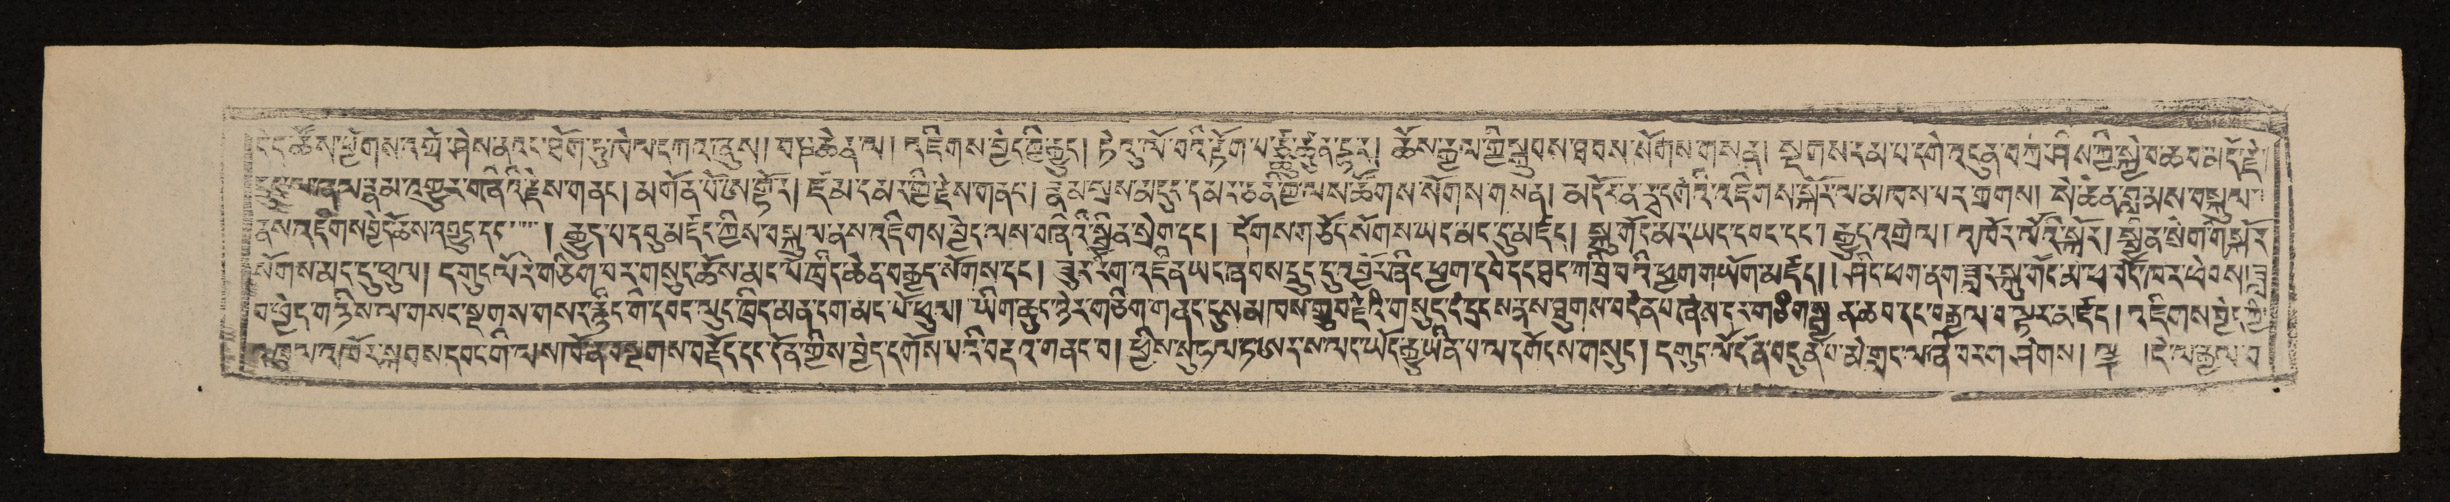ངེད་ཚོས་ཕྱོགས་འགྲོ་ཤེས་ནའང་ཐོག་ཏུ་ཁེལ་དཀའ་ཞུས། པཎ་ཆེན་ལ། འཇིགས་བྱེད་ཀྱི་རྒྱུད། ཏེའུ་ལོ་བའི་རྟོག་པ་ཙྪུ་ཚུན་དྷ་ར། ཆོས་རྒྱལ་གྱི་སྒྲུབས་ཐབས་སོགས་གསན། སྔགས་རམ་པ་དགེ་འདུན་བཀྲ་ཤིས་ཀྱི་སྐྱེ་བ་ཆབ་མདོ་རྗེ་
དྲུང་ལ་ཞལ་རྣམ་འགྱུར་བཞིའི་རྗེས་གནང་། མགོན་པོ་ཨ་གྷོ་ར། ཛམ་དམར་གྱི་རྗེས་གནང་། རྣམ་སྲས་མདུང་དམར་ཅན་གྱི་ལས་ཚོགས་སོགས་གསན། མདོར་ན་རྭ་དགེའི་འཇིགས་སྐོར་ལ་མཁས་པར་གྲགས། སེ་ཆེན་བླ་མས་བསྐུལ་
ནས་འཇིགས་བྱེད་ཆོས་འབྱུང་དང་། རྒྱུད་པ་དབུ་མཛད་ཀྱིས་བསྐུལ་ནས་འཇིགས་བྱེད་ལས་བཞིའི་སྦྱིན་སྲེག་དང་། དོགས་གཅོད་སོགས་ཡང་མང་དུ་མཛད། སྐུ་གོང་མར་ཡང་དབང་དང་། རྒྱུད་འགྲེལ། འཁོར་ལོའི་སྐོར། སྦྱིན་སྲེག་གི་སྐོར་
སོགས་མང་དུ་ཕུལ། དགུང་ལོ་རེ་གཅིག་པར་གསུང་ཆོས་མང་པོ་ཁྲིད་ཆེན་བརྒྱད་སོགས་དང་། ཟུར་རིག་འཛིན་ཡང་ཞབས་དྲུང་དུ་འབྱོར་ཞིང་ཕྱག་དཔེ་དང་ཐང་ཀ་བྲི་བའི་ཕྱག་གཡོག་མཛད། ཤིང་ཕག་ནག་ཟླར་སྐུ་གོང་མ་ཕ་བོང་ཁར་ཕེབས། ཟླ་
བ་ཕྱེད་གཉིས་ལ་གསང་སྔགས་གསར་རྙིང་གི་དབང་ལུང་ཁྲིད་མན་ངག་མང་པོ་ཕུལ། ཡིག་ཆུང་ཉེར་གཅིག་གནང་དུས་མཁས་གྲུབ་རྗེའི་གསུང་དེ་དྲངས་ནས་ཐུགས་བདེན་པ་ཞེས་དར་གཅིག་སྤྱན་ཆབ་དང་བརྒྱལ་བ་ལྟར་མཛད། འཇིགས་བྱེད་ཀྱི་
འཁྲུལ་འཁོར་སྐབས་དབང་གི་ལས་ཁོ་ན་བསྔགས་བརྗོད་དང་དོན་གྱིས་བྱེད་དགོས་པའི་བརྡའ་གནང་བ། ཕྱིས་སུ་ཧལ་ཧ་ཨར་ས་ལང་ཡོང་རྒྱུ་ཡིན་པ་ལ་དགོངས་གསུང་། དགུང་ལོ་དོན་བདུན་པ་མེ་གླང་ལ་ཞི་བར་གཤེགས། ༈ །དེ་ལ་རྒྱལ་བ་